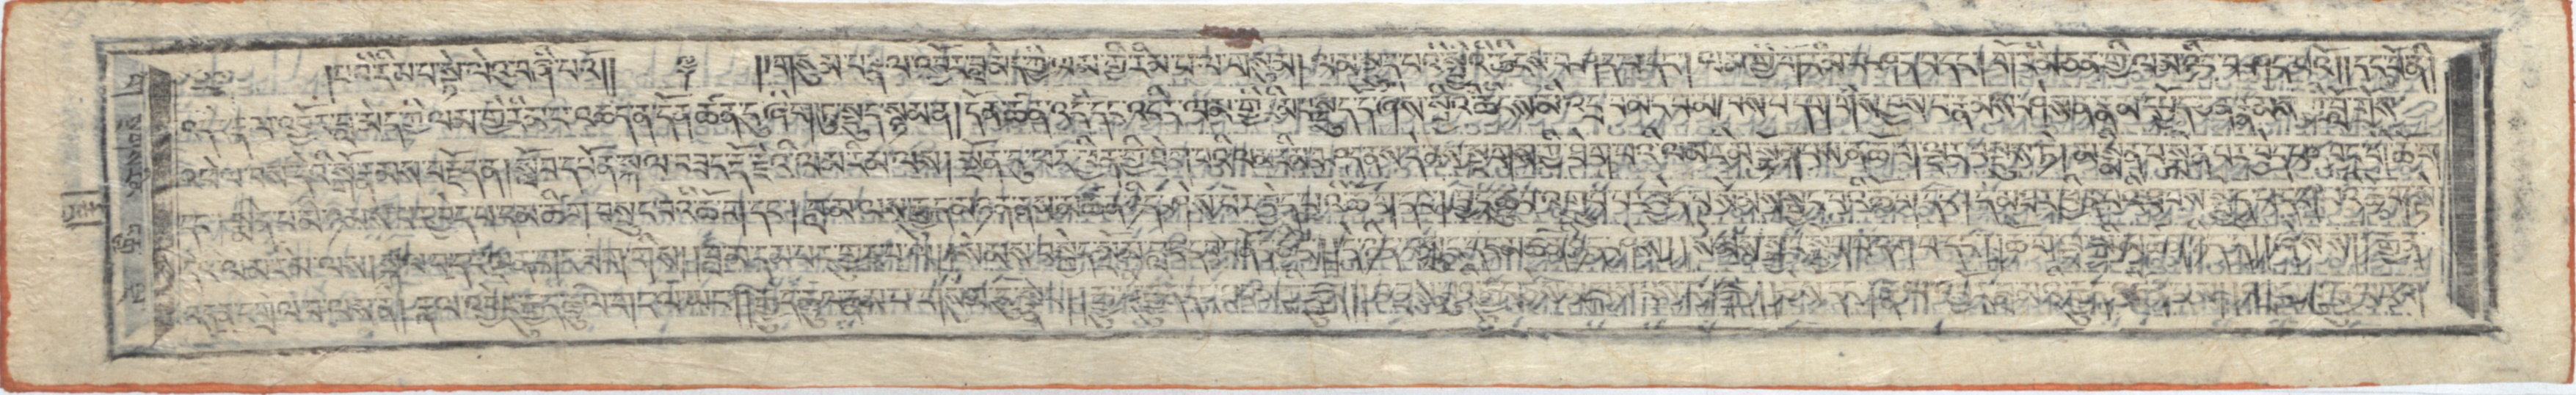༄༅། །པའི་རིམ་པ་སྟེ་ལེའུ་བཞི་པའོ།། ༈ །།གསུམ་པ་རྣལ་འབྱོར་བླ་མེད་ཀྱི་ལམ་གྱི་རིམ་པ་ལ་གསུམ། ལམ་སྡུད་པའི་སྤྱིའི་ཆིངས་བཤད་པ་དང་། ལམ་གྱི་གོ་རིམ་བཤད་པ་དང་། གོ་རིམ་ཅན་གྱི་ལམ་ཉིད་བཤད་པའོ། །དང་པོ་ནི།
འདིར་རྣལ་འབྱོར་བླ་མེད་ཀྱི་ལམ་གྱི་རིམ་པ་འཆད་ན་དོན་ཚན་དུ་ཞིག་ཏུ་སྡུད་སྙམ་ན། དོན་ཚན་འདི་དང་འདིར་ལམ་གྱི་རིམ་པ་སྡུད་དོ་ཞེས་སྤྱིའི་ཆིངས་མི་འདྲ་བ་མང་བ་མཁས་པ་དག་གིས་བྱས་པ་རྣམས་ཤེས་ན་རྣམ་དཔྱོད་ཅན་རྣམས་ཀྱི་བློ་གྲོས་
འཕེལ་བས་དེའི་སྒོ་རྣམས་བརྗོད་ན། སློབ་དཔོན་སྐལ་བཟང་རྡོ་རྗེའི་ལམ་རིམ་ལས། སྔོན་དུ་ཕར་ཕྱིན་གྱི་ཐེག་པའི་ལམ་རིམ་བཤད་ནས་དེ་ནས་སྔགས་ཀྱི་ཐེག་པའི་ལམ་རིམ་སྟོན་པས་ན་ཆོ་ག་ལྔར་བསྡུས་ཏེ། མ་སྨིན་པ་སྨིན་པར་བྱེད་པ་དབང་གི་ཆོ་ག་
དང༑ སྨིན་པ་མི་ཉམས་པར་བྱེད་པ་དམ་ཚིག་བསྲུང་བའི་ཆོ་ག་དང་། བླ་མ་ལས་རྒྱུད་མཉན་ནས་མཚན་ཉིད་ཤེས་པར་བྱེད་པའི་ཆོ་ག་དང་། བྱང་ཆུབ་འགྲུབ་པར་བྱེད་པ་སེམས་སྦྱང་བའི་ཆོ་ག་དང་། དེ་མཐར་ཕྱིན་པའི་ཐབས་སྤྱོད་པ་དག་པའི་ཆོ་ག་སྟེ།
དེའི་ལམ་རིམ་ལས། སྐལ་བ་དང་ལྡན་གང་ཟག་གིས། །བླ་མ་དམ་པར་གྱུར་པ་ལ། །སེམས་བསྐྱེད་སྡོམ་བླང་དབང་ནོད་ཅིང་། །དེ་ཉིད་བསྲུང་དང་མཚན་ཉིད་ཤེས། །སེམས་སྦྱང་སྤྱོད་པ་དག་པ་དང་། །ཆོ་ག་ལྔ་ཡི་མཚན་ཉིད་དོ། །ཞེས་སོ། །རྒྱན་
བདུན་དགྲོལ་བ་ལས་ནི། རྣལ་འབྱོར་རྒྱུད་ཚུལ་གང་ལ་ཡང་། །རྒྱུད་ཚུལ་རྣམ་པ་གསུམ་དུ་སྣང་། །རྒྱུ་ཡི་རྒྱུད་དང་ཐབས་ཀྱི་རྒྱུད། །འབྲས་བུའི་རྒྱུད་ཅེས་མཁས་པས་བཤད། །ཅེས་དང་། རྣལ་འབྱོར་བླ་མའི་རྒྱུད་འཛིན་པས། །འབྲས་བུ་རྒྱུ་ལ་རག་